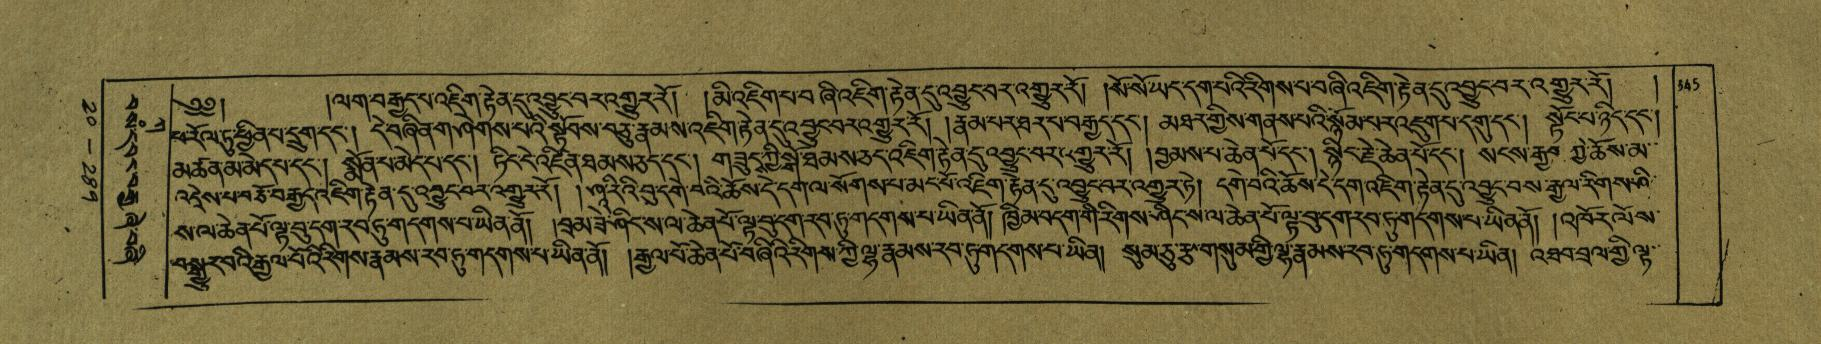༄༅། །ལག་བརྒྱད་པ་འཇིག་རྟེན་དུ་འབྱུང་བར་འགྱུར་རོ། །མི་འཇིག་པ་བཞི་འཇིག་རྟེན་དུ་འབྱུང་བར་འགྱུར་རོ། །སོ་སོ་ཡང་དག་པའི་རིགས་པ་བཞི་འཇིག་རྟེན་དུ་འབྱུང་བར་འགྱུར་རོ། །
ཕ་རོལ་ཏུ་ཕྱིན་པ་དྲུག་དང་། དེ་བཞིན་གཤེགས་པའི་སྟོབས་བཅུ་རྣམས་འཇིག་རྟེན་དུ་འབྱུང་བར་འགྱུར་རོ། །རྣམ་པར་ཐར་པ་བརྒྱད་དང་། མཐར་གྱིས་གནས་པའི་སྙོམ་པར་འཇུག་པ་དགུ་དང་། སྟོང་པ་ཉིད་དང་།
མཚན་མ་མེད་པ་དང་། སྨོན་པ་མེད་པ་དང་། ཏིང་ངེ་འཛིན་ཐམས་ཅད་དང་། གཟུངས་ཀྱི་སྒོ་ཐམས་ཅད་འཇིག་རྟེན་དུ་འབྱུང་བར་འགྱུར་རོ། །བྱམས་པ་ཆེན་པོ་དང་། སྙིང་རྗེ་ཆེན་པོ་དང་། སངས་རྒྱས་ཀྱི་ཆོས་མ་
འདྲེས་པ་བཅོ་བརྒྱད་འཇིག་རྟེན་དུ་འབྱུང་བར་འགྱུར་རོ། །ཤཱ་རིའི་བུ་དགེ་བའི་ཆོས་དེ་དག་ལ་སོགས་པ་མང་པོ་འཇིག་རྟེན་དུ་འབྱུང་བར་འགྱུར་ཏེ། དགེ་བའི་ཆོས་དེ་དག་འཇིག་རྟེན་དུ་འབྱུང་བས་རྒྱལ་རིགས་ཤིང་
ས་ལ་ཆེན་པོ་ལྟ་བུ་དག་རབ་ཏུ་གདགས་པ་ཡིན་ནོ། །བྲམ་ཟེ་ཤིང་ས་ལ་ཆེན་པོ་ལྟ་བུ་དག་རབ་ཏུ་གདགས་པ་ཡིན་ནོ། ཁྱིམ་བདག་གི་རིགས་ཤིང་ས་ལ་ཆེན་པོ་ལྟ་བུ་དག་རབ་ཏུ་གདགས་པ་ཡིན་ནོ། །འཁོར་ལོས་
བསྒྱུར་བའི་རྒྱལ་པོའི་རིགས་རྣམས་རབ་ཏུ་གདགས་པ་ཡིན་ནོ། །རྒྱལ་པོ་ཆེན་པོ་བཞིའི་རིགས་ཀྱི་ལྷ་རྣམས་རབ་ཏུ་གདགས་པ་ཡིན། སུམ་ཅུ་རྩ་གསུམ་གྱི་ལྷ་རྣམས་རབ་ཏུ་གདགས་པ་ཡིན། འཐབ་བྲལ་གྱི་ལྟ་